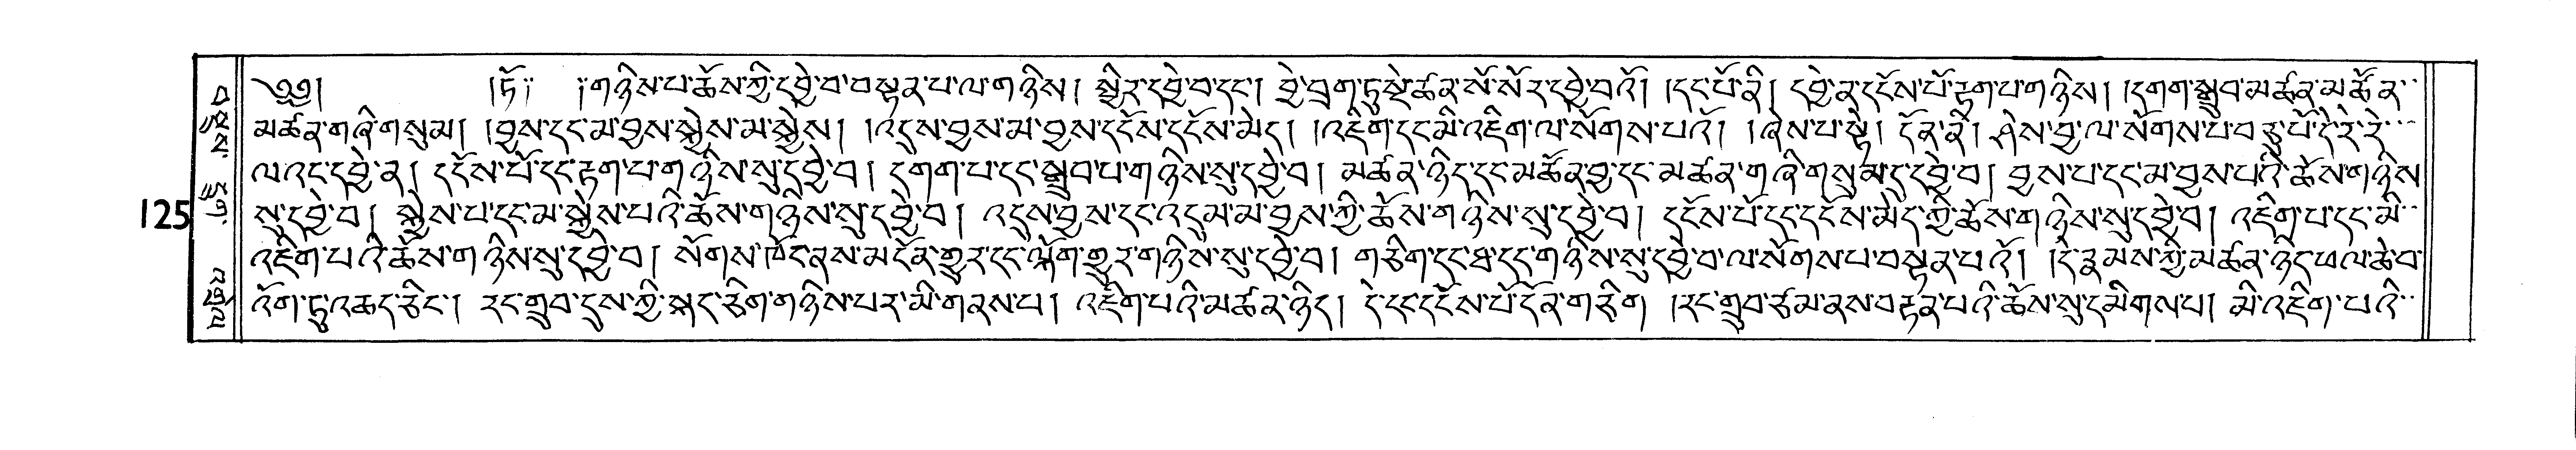༄༅། །ཏོ༑ ༑གཉིས་པ་ཆོས་ཀྱི་དབྱེ་བ་བསྟན་པ་ལ་གཉིས། སྤྱིར་དབྱེ་བ་དང་། བྱེ་བྲག་ཏུ་སྔེ་ཚན་སོ་སོར་དབྱེ་བའོ། །དང་པོ་ནི། དབྱེ་ན་དངོས་པོ་རྟག་པ་གཉིས། །དགག་སྒྲུབ་མཚན་མཚོན་
མཚན་གཞི་གསུམ། །བྱས་དང་མ་བྱས་སྐྱེས་མ་སྐྱེས། །འདུས་བྱས་མ་བྱས་དངོས་དངོས་མེད། །འཇིག་དང་མི་འཇིག་ལ་སོགས་པའོ། །ཞེས་པ་སྟེ། དོན་ནི། ཤེས་བྱ་ལ་སོགས་པ་བཅུ་པོ་དེ་རེ་རེ་
ལའང་དབྱེ་ན། དངོས་པོ་དང་རྟག་པ་གཉིས་སུ་དབྱེ་བ། དགག་པ་དང་སྒྲུབ་པ་གཉིས་སུ་དབྱེ་བ། མཚན་ཉིད་དང་མཚོན་བྱ་དང་མཚན་གཞི་གསུམ་དུ་དབྱེ་བ། བྱས་པ་དང་མ་བྱས་པའི་ཆོས་གཉིས་
སུ་དབྱེ་བ། སྐྱེས་པ་དང་མ་སྐྱེས་པའི་ཆོས་གཉིས་སུ་དབྱེ་བ། འདུས་བྱས་དང་འདུམ་མ་བྱས་ཀྱི་ཆོས་གཉིས་སུ་དབྱེ་བ། དངོས་པོ་དང་དངོས་མེད་ཀྱི་ཆོས་གཉིས་སུ་དབྱེ་བ། འཇིག་པ་དང་མི་
འཇིག་པའི་ཆོས་གཉིས་སུ་དབྱེ་བ། སོགས་ཁོང་ནས་མངོན་གྱུར་དང་ཀློག་གྱུར་གཉིས་སུ་དབྱེ་བ། གཅིག་དང་ཐ་དད་གཉིས་སུ་དབྱེ་བ་ལ་སོགས་པ་བསྟན་པའོ། །དེ་རྣམས་ཀྱི་མཚན་ཉིད་ཕལ་ཆེ་བ་
འོག་ཏུ་འཆད་ཅིང་། རང་གྲུབ་དུས་ཀྱི་སྐད་ཅིག་གཉིས་པར་མི་གནས་པ། འཇིག་པའི་མཚན་ཉིད། དེ་དང་དངོས་པོ་དོན་གཅིག །རང་གྲུབ་ཙམ་ནས་བརྟན་པའི་ཆོས་སུ་དམིགས་པ། མི་འཇིག་པའི་